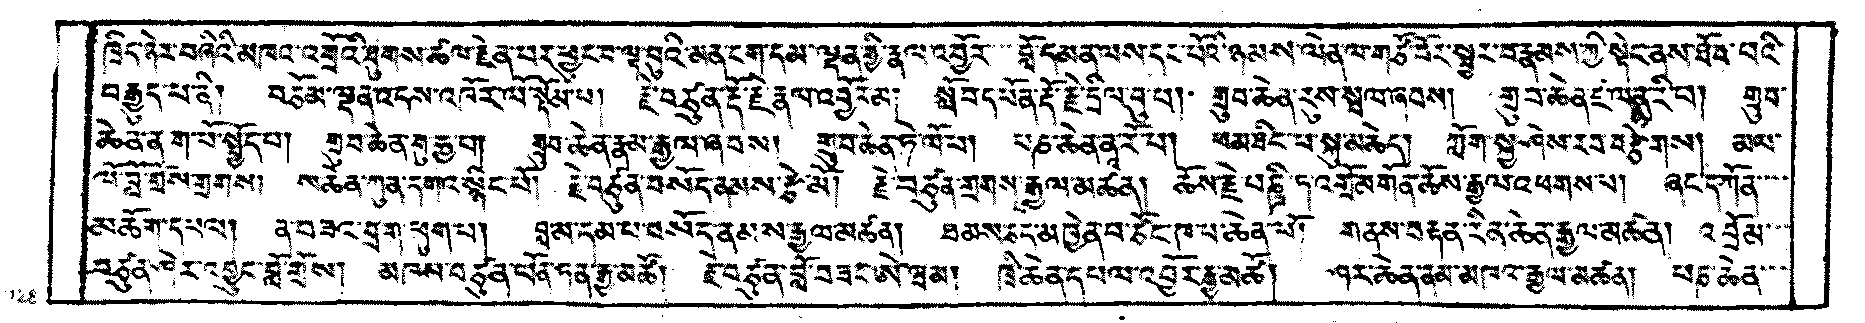ཁྲིད་ཉེར་བཞིའི་མཁའ་འགྲོའི་ཐུགས་ཚལ་རྗེན་པར་ཕྱུང་བ་ལྟ་བུའི་མན་ངག་དམ་ལྡན་གྱི་རྣལ་འབྱོར་བློ་དམན་ལས་དང་པོའི་ཉམས་ལེན་ལ་གཙོ་བོར་སྦྱར་བ་རྣམས་ཀྱི་སྟེང་ནས་ཐོབ་པའི་
བརྒྱུད་པ་ནི། བཅོམ་ལྡན་འདས་འཁོར་ལོ་སྡོམ་པ། རྗེ་བཙུན་རྡོ་རྗེ་རྣལ་འབྱོར་མ། སློབ་དཔོན་རྡོ་རྗེ་དྲིལ་བུ་པ། གྲུབ་ཆེན་རུས་སྦལ་ཞབས། གྲུབ་ཆེན་ཛ་ལནྡྷ་རི་པ། གྲུབ་
ཆེན་ནག་པོ་སྤྱོད་པ། གྲུབ་ཆེན་གུ་ཧྱ་པ། གྲུབ་ཆེན་རྣམ་རྒྱལ་ཞབས། གྲུབ་ཆེན་ཏེ་ལོ་པ། པཎ་ཆེན་ནཱ་རོ་པ། ཕམ་ཐིང་པ་སྐུ་མཆེད། ཀློག་སྐྱ་ཤེས་རབ་བརྩེགས། མལ་
ལོ་བློ་གྲོས་གྲགས། ས་ཆེན་ཀུན་དགའ་སྙིང་པོ། རྗེ་བཙུན་བསོད་ནམས་རྩེ་མོ། རྗེ་བཙུན་གྲགས་པ་རྒྱལ་མཚན། ཆོས་རྗེ་པཎྜི་ཏ་འགྲོ་མགོན་ཆོས་རྒྱལ་འཕགས་པ། ཞང་དཀོན་
མཆོག་དཔལ། ན་བཟའ་བྲག་ཕུག་པ། བླ་མ་དམ་པ་བསོད་ནམས་རྒྱལ་མཚན། ཐམས་ཅད་མཁྱེན་པ་ཙོང་ཁ་པ་ཆེན་པོ། གནས་བརྟན་རིན་ཆེན་རྒྱལ་མཚན། འབྲོམ་
བཙུན་ཤེར་འབྱུང་བློ་གྲོས། མཁས་བཙུན་ཡོན་ཏན་རྒྱ་མཚོ། རྗེ་བཙུན་བློ་བཟང་ཨེ་ཝམ། ཁྲི་ཆེན་དཔལ་འབྱོར་རྒྱ་མཚོ། ཤར་ཆེན་ནམ་མཁའ་རྒྱལ་མཚན། པཎ་ཆེན་